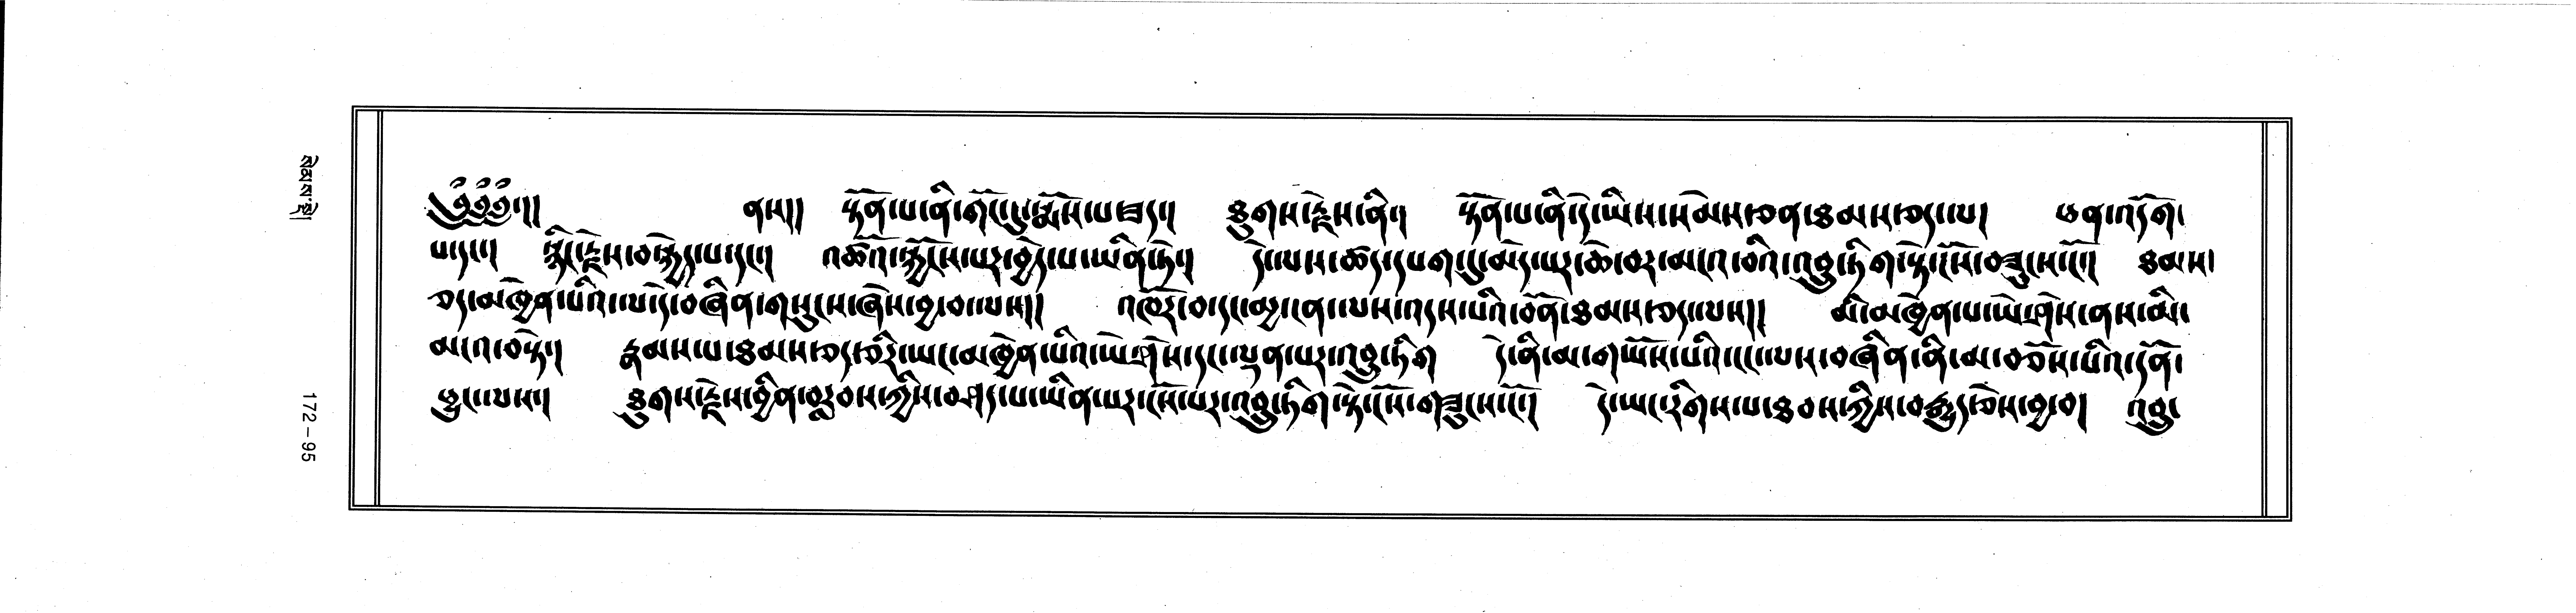ནས། སྟོན་པ་ནི་གོང་དུ་སྨོས་པ་ཟད། ཐུགས་རྗེས་ནི། སྟོན་པ་ནི་དེ་ཡིས་སེམས་ཅན་ཐམས་ཅད་ལ། ཕན་འདོག་
པ་དང་། སྙིང་རྗེས་བསྐྱེད་པ་དང་། འཚོའ་སྐྱོངས་པར་བྱེད་པ་ཡིན་ཏེ། དེ་ལས་ཚད་དཔག་དུ་མེད་པར་ཆེ་བར་མངའ་བའི་འབྲུ་ཏིག་སྟེ་ངོས་བཟུངས་ངོ་། ཐམས་
ཅད་མཁྱེན་པའི་ལ་དེ་བཞིན་གསུངས་ཞེས་བྱ་བ་ལས། འཁོར་བ་དང་མྱ་ནང་ལས་འདས་པའི་བོན་ཐམས་ཅད་ལས། མི་མཁྱེན་པ་ཡེ་ཤེས་ནས་མི་
མངའ་སྟེ། རྣམས་པ་ཐམས་ཅད་ཅིར་ཡང་མཁྱེན་པའི་ཡེ་ཤེས་དང་ལྡན་པར་འབྲུ་ཏིག དེ་ནི་མ་གཡོས་པའི་ངང་ལས་བཞིན་ནི་མ་བཅོས་པའི་དོན་
ཕྱུང་ལས། ཐུགས་རྗེས་བྱིན་བརླབས་ཀྱིས་བཤད་པ་ཡིན་པར་ངོས་པར་འབྲུ་ཏིག་སྟེ་ངོས་གཟུངས་ངོ་། དེ་ཡང་རིགས་པ་ཐམས་ཀྱིས་བརྒྱུད་ཅེས་བྱ་བ། འབྲུ་